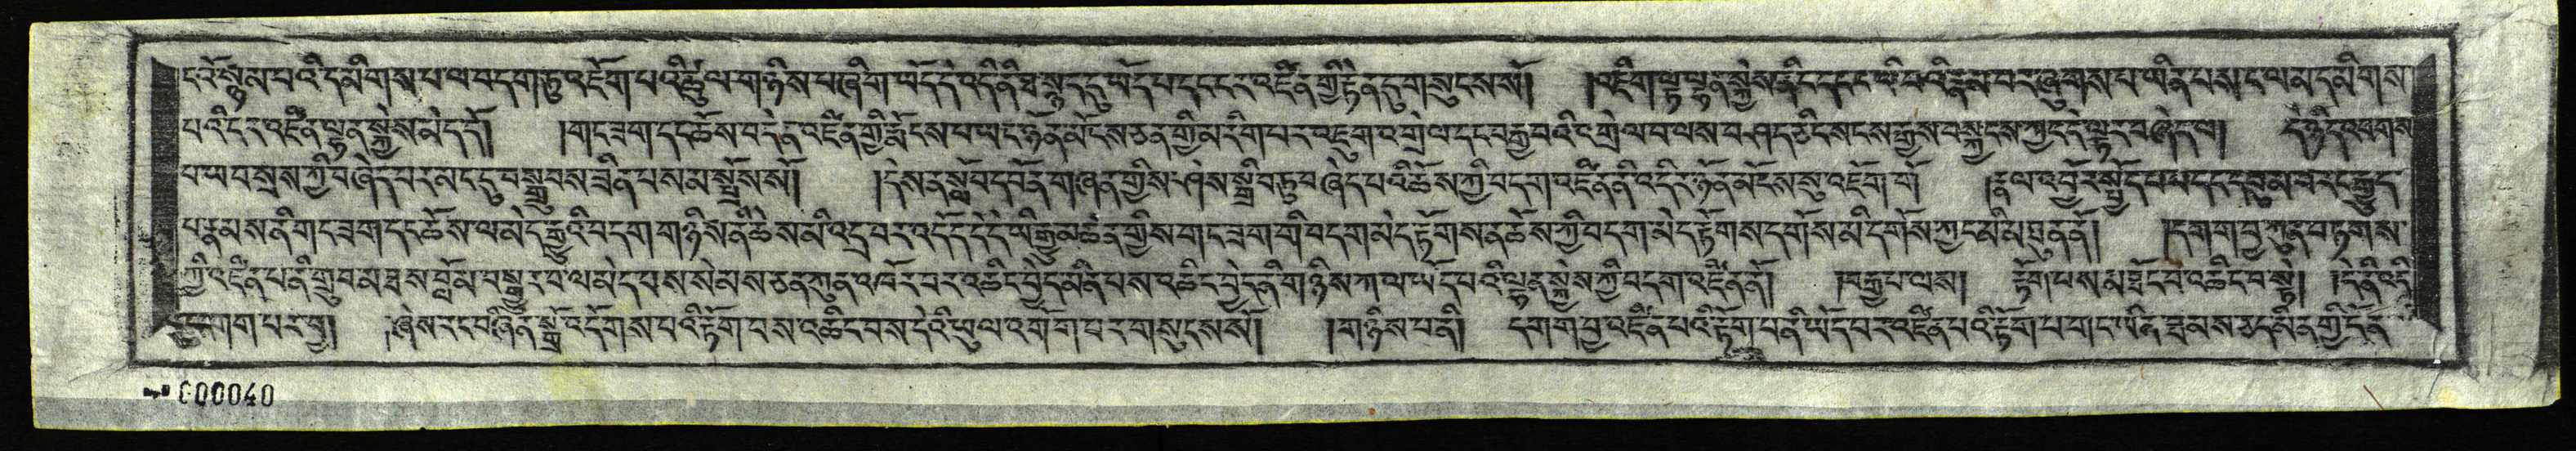ངའོ་སྙམ་བའི་དམིགས་པ་ལ་བདག་ཏུ་འཇོག་པའི་ཚུལ་གཉིས་པ་ཞིག་ཡོད་དེ་འདི་ནི་ཐ་སྙད་དུ་ཡོད་པ་དང་ངར་འཛིན་གྱི་རྟེན་དུ་གསུངས་སོ། །འཇིག་ལྟ་ལྷན་སྐྱེས་ནི་ང་དང་ང་ཡི་བའི་རྣམ་བར་ཞུགས་པ་ཡིན་པས་ང་ལ་མ་དམིགས་
པའི་ངར་འཛིན་ལྷན་སྐྱེས་མེད་དོ། །གང་ཟག་དང་ཆོས་བདེན་འཛིན་གྱི་རྨོངས་པ་ཡང་ཉོན་མོངས་ཅན་གྱི་མ་རིག་པར་འཇུག་འགྲེལ་དང་བརྒྱ་བའི་འགྲེལ་པ་ལས་བཤད་ཅིང་སངས་རྒྱས་བསྐྱངས་ཀྱང་དེ་ལྟར་བཞེད་པ། དེ་ཉིད་འཕགས་
པ་ཡབ་སྲས་ཀྱི་བཞེད་པར་མང་དུ་བསྒྲུབས་ཟིན་པས་མ་སྤྲོས་སོ། །དེས་ན་སློབ་དཔོན་གཞན་གྱིས་ཤེས་སྒྲིབ་ཏུ་བཞེད་པའི་ཆོས་ཀྱི་བདག་འཛིན་ནི་འདིར་ཉོན་མོངས་སུ་འཇོག་གོ །རྣལ་འབྱོར་སྤྱོད་པ་ལ་དང་དབུ་མ་བ་རང་རྒྱུད་
པ་རྣམས་ནི་གང་ཟག་དང་ཆོས་ལ་མེད་རྒྱུའི་བདག་གཉིས་ནི་ཆེས་མི་འདྲ་བར་འདོད་དེ་དེ་ཡི་རྒྱུ་མཚན་གྱིས་གང་ཟག་གི་བདག་མེད་རྟོགས་ན་ཆོས་ཀྱི་བདག་མེད་རྟོགས་དགོས་མི་དགོས་ཀྱང་མི་མཐུན་ནོ། །དགག་བྱ་ཀུན་བཏགས་
ཀྱི་འཛིན་པ་ནི་གྲུབ་མཐས་བློ་མ་བསྒྱུར་བ་ལ་མེད་པས་སེམས་ཅན་ཀུན་འཁོར་བར་འཆིང་བྱེད་མིན་པས་འཆིང་བྱེད་ནི་གཉིས་ཀ་ལ་ཡོད་པའི་ལྷན་སྐྱེས་ཀྱི་བདག་འཛིན་ནོ། །བརྒྱ་པ་ལས། རྟོག་པས་མཐོང་བ་འཆིང་བ་སྟེ། །དེ་ནི་འདི་
དགག་པར་བྱ། །ཞེས་རང་བཞིན་སྒྲོ་འདོགས་པའི་རྟོག་པས་འཆིང་བས་དེའི་ཡུལ་འགོག་པར་གསུངས་སོ། །གཉིས་པ་ནི། དགག་བྱ་འཛིན་པའི་རྟོག་པ་ནི་ཡོད་པར་འཛིན་པའི་རྟོག་པ་གང་ཡིན་ཐམས་ཅད་མིན་གྱི་དོན་